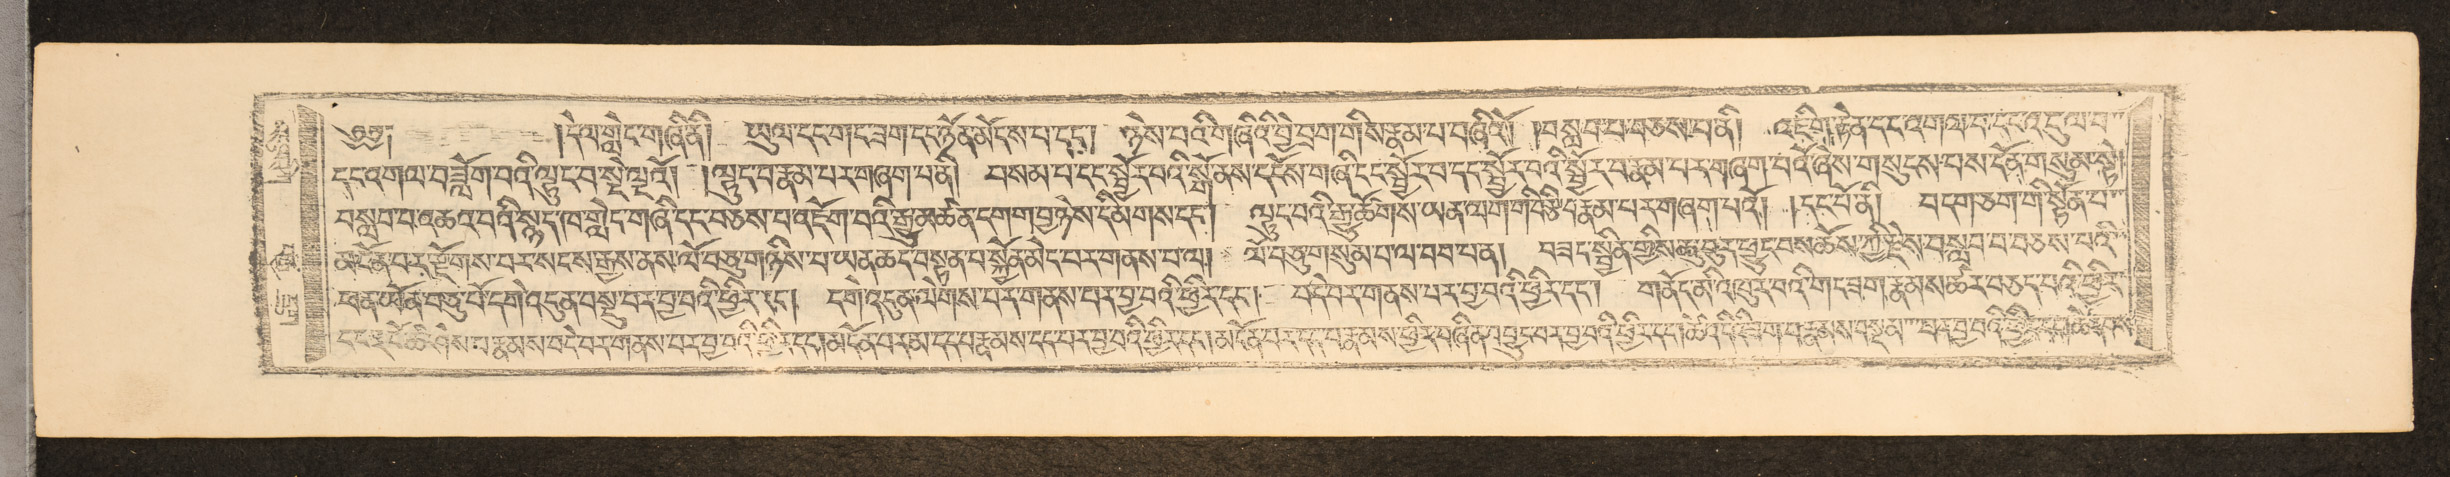༄༅། །དེ་ལ་གླེང་གཞི་ནི། ཡུལ་དང་གང་ཟག་དང་ཉོན་མོངས་པ་དང་། ཉེས་པའི་གཞིའི་བྱེ་བྲག་གིས་རྣམ་པ་བཞིའོ། །བསླབ་པ་བཅས་པ་ནི། འཇིག་རྟེན་དང་འགལ་བ་དང་འདུལ་བ་
དད་འགལ་བཟློག་པའི་ལྟུང་བ་སྡེ་ལྔའོ། །ལྟུང་བ་རྣམ་པར་གཞག་པ་ནི། བསམ་པ་དང་སྦྱོར་བའི་སྒོ་ནས་དངོས་གཞི་དང་སྦྱོར་བ་དང་སྦྱོར་བའི་སྦྱོར་བ་རྣམ་པར་གཞག་པའོ་ཞེས་གསུངས་པས་དོན་གསུམ་སྟེ།
བསླབ་བ་འཆའ་བའི་སྙད་ཁ་གླེང་གཞི་དད་བཅས་པ་འཇོག་པའི་རྒྱུ་མཚན་དགག་བྱ་ཉེས་དམིགས་དང་། ལྟུང་བའི་རྒྱུ་ཚོགས་ཡན་ལག་གི་བརྩི་བ་རྣམ་པར་གཞག་བའོ། །དང་པོ་ནི། བདག་ཅག་གི་སྟོན་པ་
མངོན་པར་རྫོགས་པར་སངས་རྒྱས་ནས་ལོ་བཅུ་གཉིས་པ་ཡན་ཆད་བསྟན་པ་སྐྱོན་མེད་པར་གནས་པ་ལ། ལོ་བཅུ་གསུམ་པ་ལ་བབ་པ་ན། བཟང་སྦྱིན་གྱིས་ཆུ་བུར་ཕྱུང་བས་ཆོས་ཀྱི་རྗེས་བསླབ་པ་བཅས་པའི་
ཕན་ཡོན་བཅུ་པོ་དགེ་འདུན་བསྡུ་བར་བྱ་བའི་ཕྱིར་དང་། དགེ་འདུན་ལེགས་པར་གནས་པར་བྱ་བའི་ཕྱིར་དང་། བདེ་བར་གནས་པར་བྱ་བའི་ཕྱིར་དང་། གནོད་མི་འཁུར་བའི་གང་ཟག་རྣམས་ཚར་བཅད་པའི་ཕྱིར་
དང༑ དོ་ཚ་ཤེས་པ་རྣམས་བདེ་བར་གནས་པར་བྱ་བའི་ཕྱིར་དང་། མངོན་པར་མ་དད་པ་རྣམས་དད་པར་བྱ་བའི་ཕྱིར་དང་། མངོན་པར་དད་པ་རྣམས་ཕྱིར་བཞིན་འབྱུང་པར་བྱ་བའི་ཕྱིར་དང་། ཚེ་འདིའི་ཟག་པ་རྣམས་བསྡམ་པར་བྱ་བའི་ཕྱིར་དང་། ཚེ་རབས་